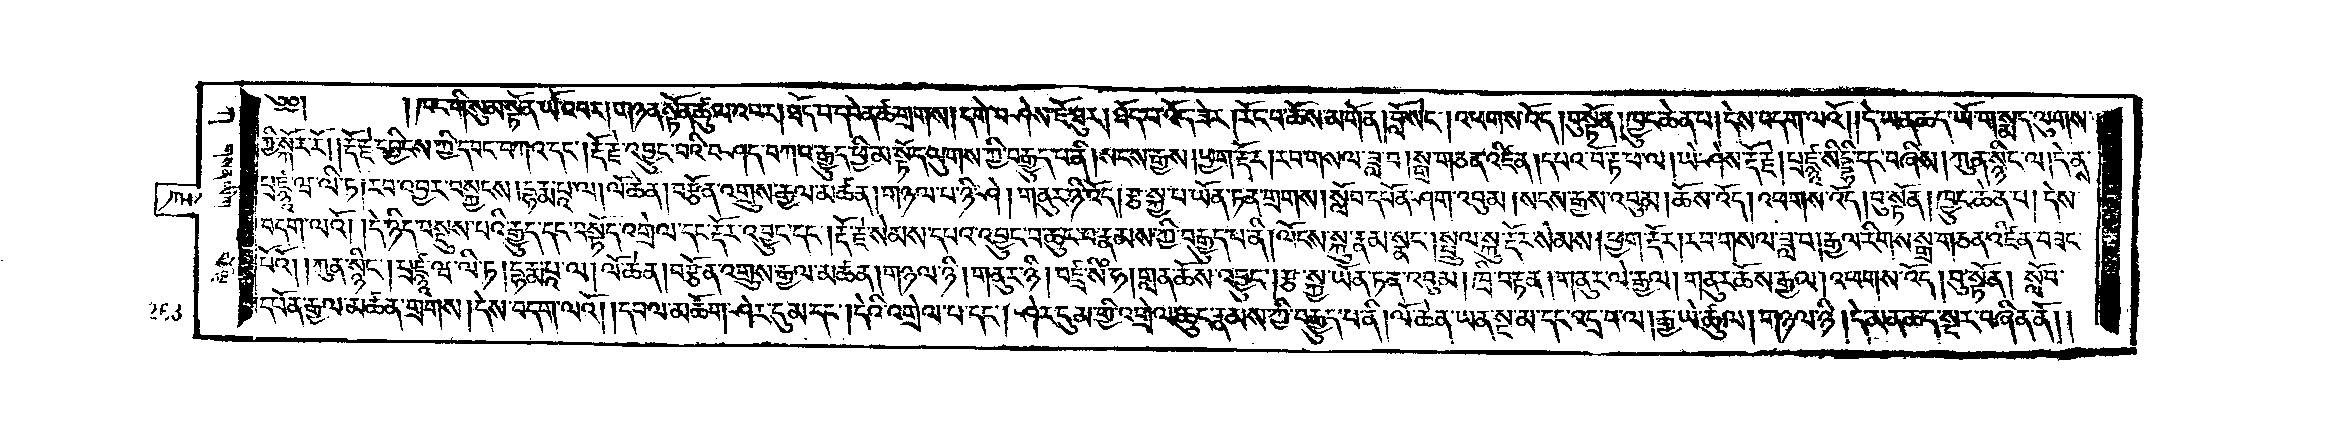༄༅། །ཁང་གི་སུམ་སྟོན་ཡོ་འབད། གཉན་སྟོན་སྟོན་ཚུལ་འབར། ཐོད་པ་དབེན་ཚ་གྲགས། དགེ་བཤེས་ཇོ་ཐུར། ཐོད་པ་འོད་ཟེར། རོང་པ་ཆོས་མགོན། བློ་སེང་། འཕགས་འོད། བུ་སྟོན། ཁྱུང་ཆེན་པོ། དེས་བདག་ལའོ། །དེ་ཡན་ཆད་ཡོ་ག་སྨད་ལུགས་
ཀྱི་སྐོར་རོ། །རྡོ་རྗེ་དབྱིངས་ཀྱི་དབང་བཀའ་དང་། རྡོ་རྗེ་འབྱུང་བའི་བཤད་བཀའ་རྒྱུད་ཕྱི་མ་སྟོད་ལུགས་ཀྱི་བརྒྱུད་པ་ནི། སངས་རྒྱས། ཕྱག་རྡོར། རབ་གསལ་ཟླ་བ། སྒྲ་གཅན་འཛིན། དཔའ་བོ་རྟ་ཕ་ལ། ཡེ་ཤེས་རྡོ་རྗེ། པྲཛྙཱ་སིདྡྷི་དང་བཞིས། ཀུན་སྙིང་ལ། དེ་ནས་
པྲཛྙཱ་ཝ་ལི་ཏ། རབ་འབྱར་བསྐྱངས། དྷརྨ་པཱ་ལ། ལོ་ཆེན། བརྩོན་འགྲུས་རྒྱལ་མཚན། གཉལ་པ་ཉི་ཤེ། གནུར་ཉི་འོད། རྩ་སྐྱ་པ་ཡོན་ཏན་གྲགས། སློབ་དཔོན་ཤག་འབུམ། སངས་རྒྱས་འབུམ། ཆོས་འོད། འཕགས་འོད། བུ་སྟོན། ཁྱུང་ཆེན་པོ། དེས་
བདག་ལའོ། །དེ་ཉིད་བསྡུས་པའི་རྒྱུད་དང་བསྟོད་འགྲེལ་དང་རྡོར་འབྱུང་དང་། རྡོ་རྗེ་སེམས་དཔའ་འབྱུང་བ་ཆུང་བ་རྣམས་ཀྱི་བརྒྱུད་པ་ནི། ལོངས་སྐུ་རྣམ་སྣང་། སྤྲུལ་སྐུ་རྡོར་སེམས། ཕྱག་རྡོར། རབ་གསལ་ཟལ་བ། རྒྱལ་རིགས་སྒྲ་གཅན་འཛིན་བཟང་
པོའོ། ཀུན་སྙིང་། པྲཛྙཱ་ཝ་ལི་ཏ། དྷརྨ་པཱ་ལ། ལོ་ཆེན། བརྩོན་འགྲུས་རྒྱལ་མཚན། གཉལ་ཉི། གནུར་ཉི། བཛྲ་སིཾ་ཧ། གླན་ཆོས་འབྱུང་། རྩ་སྐྱ་ཡོན་ཏན་འབུམ། ཁྲི་བརྟན། གནུར་ལེ་རྒྱལ། གནུར་ཆོས་རྒྱལ། འཕགས་འོད། བུ་སྟོན། སློབ་
དཔོན་རྒྱལ་མཚན་གྲགས། དེས་བདག་ལའོ། །དཔལ་མཆོག་ཤེར་དུ་མ་དང་། དེའི་འགྲེལ་པ་དང་། ཤེར་དུམ་གྱི་འགྲེལ་ཆུང་རྣམས་ཀྱི་བརྒྱུད་པ་ནི། ལོ་ཆེན་ཡན་སྔ་མ་དང་འདྲ་བ་ལ། རྒྱ་ཡེ་ཚུལ། གཉལ་ཉིད། དེ་མན་ཆད་སྔར་བཞིན་ནོ། །